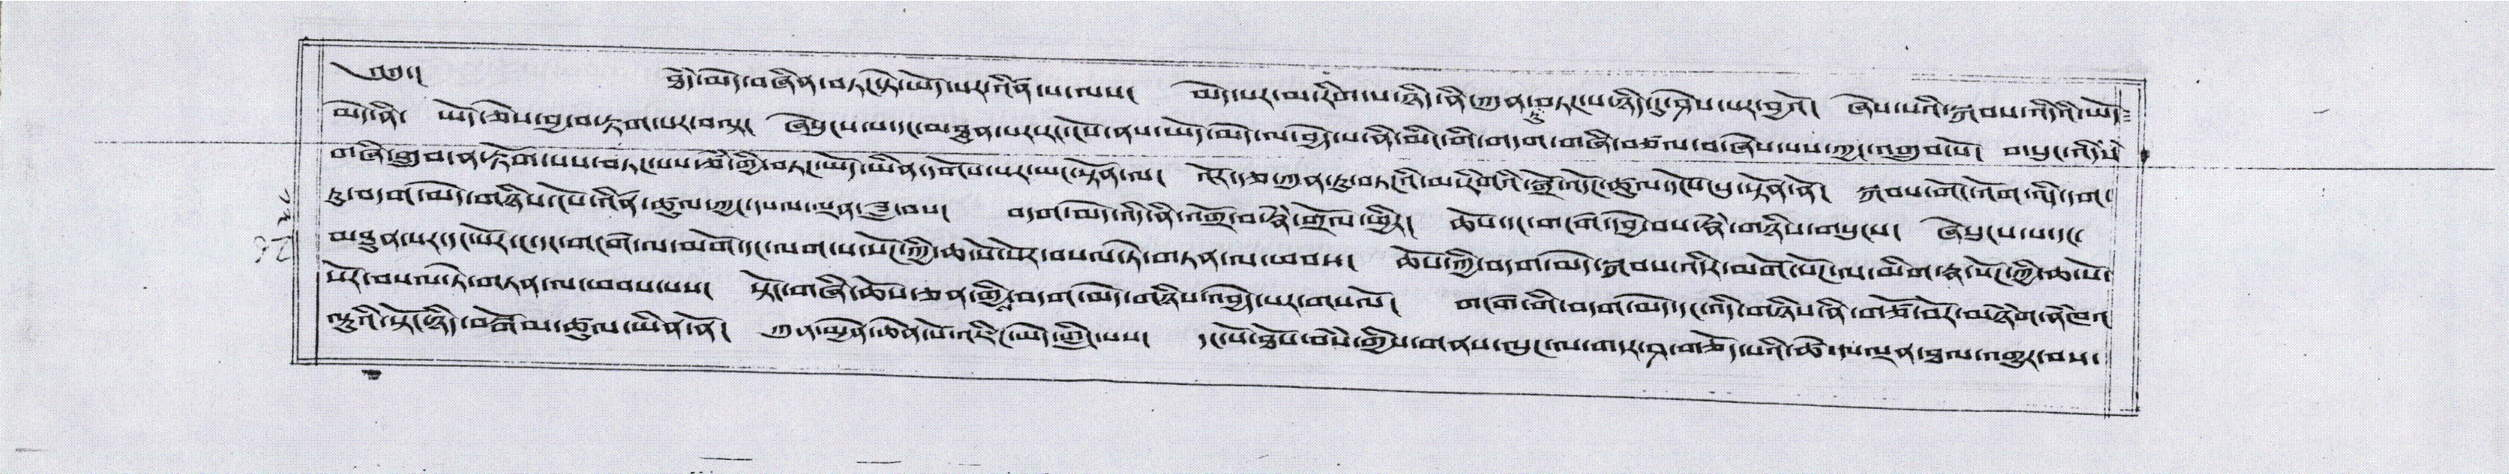ཐམས་ཅད་མེད་བཞིན་བཏགས་ཏེ་ཡོད་པར་འཛིན་པ་ལས། མེད་པར་མ་རིག་པ་ཉིད་ནི་ཀུན་ཏུ་བཏགས་པ་ཉིད་དུ་ཤེས་པར་བྱའོ། ཞེས་པའི་སྐབས་འདིའི་ཡོད་
མེད་ནི། ཡོད་ཅེས་བྱ་བ་རྟག་པར་བལྟ། ཞེས་གསུངས་པ་དང་མཐུན་པར་རང་ངོས་ནས་ཡོད་མེད་ལ་བྱེད་པ་ནི་མིང་གི་གདག་གཞི་བཙལ་བ་ཞེས་པས་ཀྱང་འགྲུབ་པོ། གསུང་འདིས་བཞེས་
གཞི་གྲུབ་ན་རྟོག་པས་བཏགས་པས་ཙམ་གྱི་བཏགས་ཡོད་ཡིན་དགོས་པར་ཡང་སྟོན་ལ། འཁོར་རྩ་ཀུན་ཏུ་བཏགས་པའི་མ་རིག་པའི་སྒྲོ་འདོགས་ཚུལ་དངོས་སུ་སྟོན་ནོ། སྐབས་གོང་འོག་འདི་དག་
ཏུ་བདག་མེད་གཉིས་ངོས་འཛིན་ཚུལ་ཀྱང་དཔལ་ལྡན་ཟླ་བས། བདག་མེད་འདི་ནི་འགྲོ་བ་རྣམ་གྲོལ་ཕྱིར། ཆོས་དང་གང་ཟག་དབྱེ་བས་རྣམ་གཉིས་གསུངས། ཞེས་གསུངས་པ་དང། 
མཐུན་པར་དང་པོར་ང་དང་གང་ཟག་ལ་མགོ་དང་ལག་པ་སོགས་ཀྱི་ཆ་སོ་སོར་བསལ་ཏེ་གཏན་ལ་ཕབས། ཆོས་ཀྱི་བདག་མེད་སྐབས་འདིར་མགོ་སོགས་ལ་མིག་རྣ་སོགས་ཀྱི་ཆ་སོ་
སོར་བསལ་ཏེ་གཏན་ལ་ཕབས་པས། སྟོང་གཞི་ཆོས་ཅན་གྱིས་བདག་མེད་གཉིས་འབྱེད་པར་གསལ་ལོ། གང་ཟག་གི་བདག་མེད་དང་འདི་གཉིས་ནི་གཙོ་བོར་མཉམ་བཞག་ནམ་མཁའ་
ལྟ་བུའི་སྟོང་ཉིད་བསྒོམ་ཚུལ་ཡིན་ནོ། ཀུན་མཁྱེན་ཆེན་པོ་འཇིགས་མེད་གླིང་པས། དང་པོ་ཐོས་བསམ་གྱིས་གནས་ལུགས་ལ་གདར་ཤ་གཅོད་པའི་ཚེ་དཔལ་ལྡན་ཐལ་འགྱུར་བས་